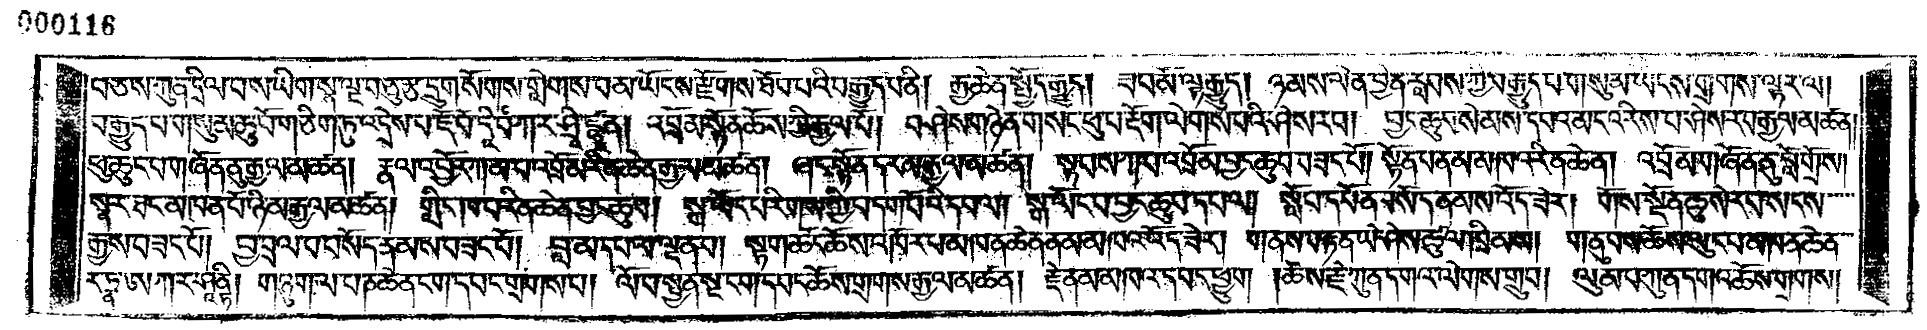བཅས་ཀུན་དྲིལ་བས་ཡིག་སྣ་ལྔ་བཅུ་རྩ་དྲུག་སོགས་གླེགས་བམ་ཡོངས་རྫོགས་ཐོབ་པའི་བརྒྱུད་པ་ནི། རྒྱ་ཆེན་སྤྱོད་རྒྱུད། ཟབ་མོ་ལྷ་རྒྱུད། ཉམས་ལེན་བྱིན་རླབས་ཀྱི་བརྒྱུད་པ་གསུམ་ཡོངས་གྲགས་ལྟར་ལ།
བརྒྱུད་པ་གསུམ་ཆུ་བོ་གཅིག་ཏུ་འདྲེས་པ་ཇོ་བོ་དཱི་བ་ཀ་ར་ཤྲཱི་ཛྙཱ་ན། འབྲོམ་སྟོན་ཆོས་ཀྱི་རྒྱལ་པོ། བཤེས་གཉེན་གསང་ཕུ་པ་རྡོག་ལེགས་པའི་ཤེས་རབ། བྱང་ཆུབ་སེམས་དཔའ་མངའ་རིས་པ་ཤེས་རབ་རྒྱལ་མཚན།
ཕུ་ཆུང་བ་གཞོན་ནུ་རྒྱལ་མཚན། རྣལ་འབྱོར་ཀ་མ་པ་འབྲོ་མ་རིན་ཆེན་རྒྱལ་མཚན། ཞང་སྟོན་དར་མ་རྒྱལ་མཚན། སྟབས་ཀ་པ་འབྲོམ་བྱང་ཆུབ་བཟང་པོ། སྟོན་པ་ནམ་མཁའ་རིན་ཆེན། འབྲོམ་གཞོན་ནུ་བློ་གྲོས།
སྣར་ཐང་མཁན་པོ་ཉི་མ་རྒྱལ་མཚན། གླིང་ཁ་པ་རིན་ཆེན་བྱང་ཆུབ། སྒ་ལོང་པ་རིགས་ཀྱི་བདག་པོའི་དཔལ། སྒ་ལོང་པ་བྱང་ཆུབ་དཔལ། སློབ་དཔོན་བསོད་ནམས་འོད་ཟེར། གོས་སྡོན་ཆུ་སེ་རབ་སངས་
རྒྱས་བཟང་པོ། བྱ་བྲལ་བ་བསོད་ནམས་བཟང་པོ། བླ་མ་དཔལ་ལྡན་པ། སྟག་ཚང་ཆོས་འཁོར་པ་མཁན་ཆེན་ནམ་མཁའ་འོད་ཟེར། གནས་བརྟན་ཡེ་ཤེས་ཚུལ་ཁྲིམས། གནུབས་ཆོས་ལུང་པ་མཁན་ཆེན་
རཏྣ་ཨ་ཀ་ར་ཤྰྣྟི། གཉུག་ལ་པཎ་ཆེན་ངག་དབང་གྲགས་པ། ལོ་བ་སྤྱན་སྔ་ངག་དབང་ཆོས་གྲགས་རྒྱལ་མཚན། རྗེ་ནམ་མཁའ་དབང་ཕྱུག །ཚེས་རྗེ་ཀུན་དགའ་ལེགས་གྲུབ། ལུམ་པ་ཀུན་དགའ་ཆོས་གྲགས།